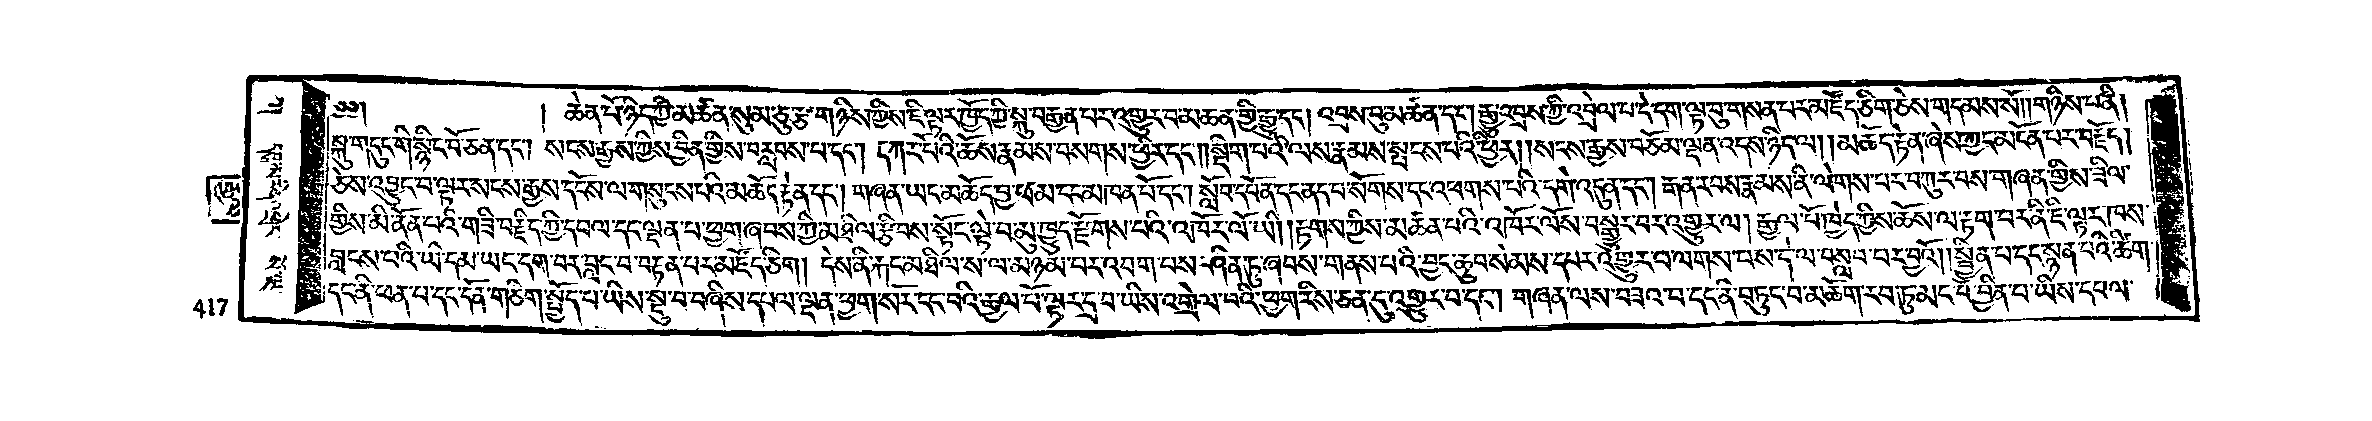༄༅། །ཆེན་པོ་ཉིད་ཀྱི་མཚན་སུམ་ཅུ་རྩ་གཉིས་ཀྱིས་ཇི་ལྟར་ཁྱོད་ཀྱི་སྐུ་བརྒྱན་པར་འགྱུར་བ་མཚན་གྱི་རྒྱུ་དང་། འབྲས་བུ་མཚན་དང་། རྒྱུ་འབྲས་ཀྱི་འབྲེལ་པ་དེ་དག་ལྟ་བུ་གསན་པར་མཛོད་ཅིག་ཅེས་གདམས་སོ། །གཉིས་པ་ནི།
སྐུ་གདུང་གི་སྙིང་པོ་ཅན་དང་། སངས་རྒྱས་ཀྱིས་བྱིན་གྱིས་བརླབས་པ་དང་། དཀར་པོའི་ཆོས་རྣམས་བསགས་ཕྱིར་དང་། །སྡིག་པའི་ལས་རྣམས་སྤངས་པའི་ཕྱིར། །སངས་རྒྱས་བཅོམ་ལྡན་འདས་ཉིད་ལ། །མཆོད་རྟེན་ཞེས་ཀྱང་མངོན་པར་བརྗོད།
ཅེས་འབྱུང་བ་ལྟར་སངས་རྒྱས་དངོས་ལ་གསུངས་པའི་མཆོད་རྟེན་དང་། གཞན་ཡང་མཆོད་བྱ་ཕ་མ་དང་མཁན་པོ་དང་། སློབ་དཔོན་དང་ནད་པ་སོགས་དང་འཕགས་པའི་དགེ་འདུན་དང་། རྒན་རབས་རྣམས་ནི་ལེགས་པར་བཀུར་བས་གཞན་གྱིས་ཟིལ་
གྱིས་མི་ནོན་པའི་གཟི་བརྗིད་ཀྱི་དཔལ་དང་ལྡན་པ་ཕྱག་ཞབས་ཀྱི་མཐིལ་རྩིབས་སྟོང་ལྟེ་བ་མུ་ཁྱུད་རྫོགས་པའི་འཁོར་ལོ་ཡི། །རྟགས་ཀྱིས་མཚན་པའི་འཁོར་ལོས་བསྒྱུར་བར་འགྱུར་ལ། རྒྱལ་པོ་ཁྱེད་ཀྱིས་ཆོས་ལ་རྟག་པར་ནི་ཇི་ལྟར་ཁས་
བླངས་པའི་ཡི་དམ་ཡང་དག་པར་བླང་བ་བརྟན་པར་མཛོད་ཅིག །དེས་ནི་རྐང་མཐིལ་ས་ལ་མཉམ་པར་འབག་པས་ཤིན་ཏུ་ཞབས་གནས་པའི་བྱང་ཆུབ་སེམས་དཔར་འགྱུར་བ་ལགས་པས་དེ་ལ་བསླབ་པར་བྱའོ། །སྦྱིན་པ་དང་སྙན་པའི་ཚིག་
དང་ནི་ཕན་པ་དང་དོན་གཅིག་སྤྱོད་པ་ཡིས་སྡུ་བ་བཞིས་དཔལ་ལྡན་ཕྱག་སོར་དང་བའི་རྒྱལ་པོ་ལྟར་དྲ་བ་ཡིས་འགྲེལ་པའི་ཕྱག་རིས་ཅན་དུ་འགྱུར་བ་དང་། གཞན་ལས་བཟའ་བ་དང་ནི་བཏུད་པ་མཆོག་རབ་ཏུ་མང་པོ་བྱིན་པ་ཡིས་དཔལ་